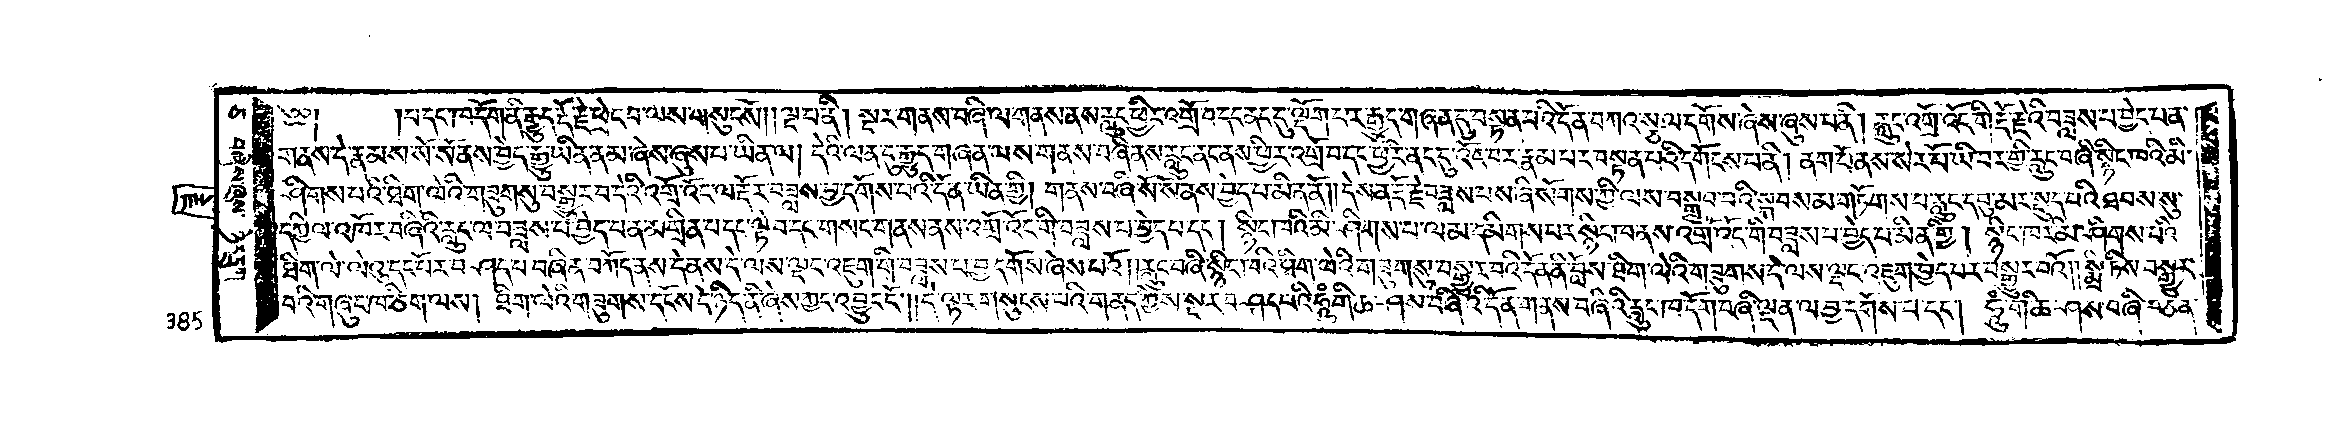༄༅། །པ་དང་ཁ་དོག་ནི་རྒྱུད་རྡོ་རྗེ་ཕྲེང་བ་ལས་གསུངས་སོ། །ལྔ་པ་ནི། སྔར་གནས་བཞི་ལ་གནས་ནས་རླུང་ཕྱིར་འགྲོ་བ་དང་ནང་དུ་ལྡོག་པར་རྒྱུད་གཞན་དུ་བསྟན་པའི་དོན་བཀའ་སྩལ་དགོས་ཞེས་ཞུས་པ་ནི། རླུང་འགྲོ་འོང་གི་རྡོ་རྗེའི་བཟླས་པ་བྱེད་པ་ན་
གནས་དེ་རྣམས་སོ་སོ་ནས་བྱེད་རྒྱུ་ཡིན་ནམ་ཞེས་ཞུས་པ་ཡིན་ལ། དེའི་ལན་དུ་རྒྱུད་གཞན་ལས་གནས་བཞི་ནས་རླུང་ནང་ནས་ཕྱིར་འགྲོ་བ་དང་ཕྱིར་ནང་དུ་འོང་བར་རྣམ་པར་བསྟན་པའི་དགོངས་པ་ནི། ནག་པོ་ནས་སེར་པོ་ཡི་བར་གྱི་རླུང་བཞི་སྙིང་ཁའི་མི་
ཤིགས་པའི་ཐིག་ལེའི་གཟུགས་སུ་བསྒྱུར་བ་དེའི་འགྲོ་འོང་ལ་རྡོར་བཟླས་བྱ་དགོས་པའི་དོན་ཡིན་གྱི། གནས་བཞི་སོ་སོ་ནས་བྱེད་པ་མིན་ནོ། །དེས་ན་རྡོ་རྗེ་བཟླས་པས་ཞི་སོགས་ཀྱི་ལས་བསྒྲུབ་པའི་སྐབས་མ་གཏོགས་པ་རླུང་དབུ་མར་སྡུད་པའི་ཐབས་སུ་
དཀྱིལ་འཁོར་བཞིའི་རླུང་ལ་བཟླས་པ་བྱེད་པ་ན་མགྲིན་པ་དང་ལྟེ་བ་དང་གསང་གནས་ནས་འགྲོ་འོང་གི་བཟླས་པ་བྱེད་པ་དང་། སྙིང་ཁའི་མི་ཤིགས་པ་ལ་མ་དམིགས་པར་སྙིང་ཁ་ནས་འགྲོ་འོང་གི་བཟླས་པ་བྱེད་པ་མིན་གྱི། སྙིང་ཁར་མི་ཤིགས་པའི་
ཐིག་ལེ་ལེའུ་དང་པོར་བཤད་པ་བཞིན་བཀོད་ནས་དེ་ནས་དེ་ལས་ལྡང་འཇུག་གི་བཟླས་པ་བྱ་དགོས་ཞེས་པའོ། །རླུང་བཞི་སྙིང་ཁའི་ཐིག་ལེའི་གཟུགས་སུ་བསྒྱུར་བའི་དོན་ནི་བློས་ཐིག་ལེའི་གཟུགས་དེ་ལས་ལྡང་འཇུག་བྱེད་པར་བསྒྱུར་བའོ། །སྨྲི་ཏིས་བསྒྱུར་
བའི་གཞུང་ཁ་ཅིག་ལས། ཐིག་ལེའི་གཟུགས་དངོས་དེ་ཉིད་ནི་ཞེས་ཀྱང་འབྱུང་ངོ། །དེ་ལྟར་གསུངས་པའི་གནད་ཀྱིས་སྔར་བཤད་པའི་ཧཱུཾ་གི་ཆ་ཤས་བཞིའི་དོན་གནས་བཞིའི་རླུང་ཁ་དོག་བཞི་ལྡན་ལ་བྱ་དགོས་པ་དང་། ཧཱུཾ་གི་ཆ་ཤས་བཞི་ཆ་ཅན་